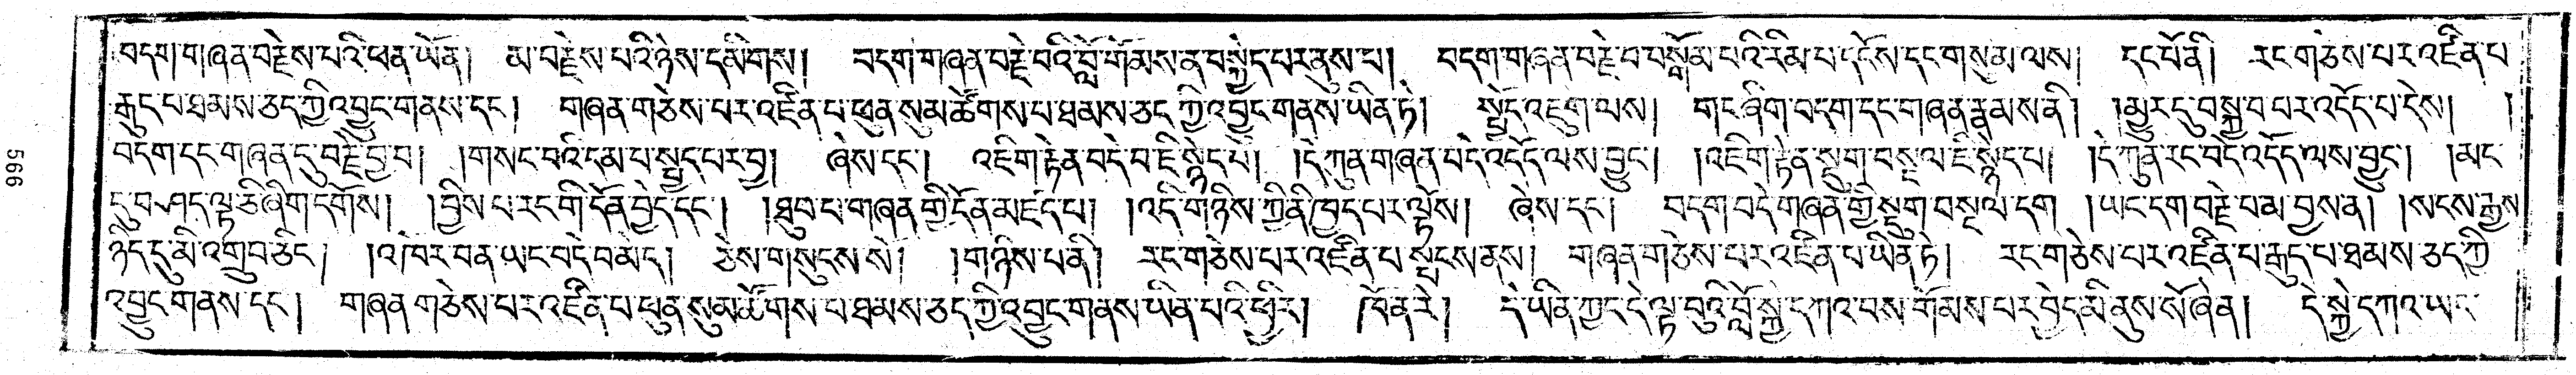བདག་གཞན་བརྗེས་པའི་ཕན་ཡོན། མ་བརྗེས་པའི་ཉེས་དམིགས། བདག་གཞན་བརྗེ་བའི་བློ་གོམས་ན་བསྐྱེད་པར་ནུས་པ། བདག་གཞན་བརྗེ་བ་བསྒོམ་པའི་རིམ་པ་དངོས་དང་གསུམ་ལས། དང་པོ་ནི། དང་པོ་ནི། རང་གཅེས་པར་འཛིན་པ་
རྒུད་པ་ཐམས་ཅད་ཀྱི་འབྱུང་གནས་དང་། གཞན་གཅེས་པར་འཛིན་པ་ཕུན་སུམ་ཚོགས་པ་ཐམས་ཅད་ཀྱི་འབྱུང་གནས་ཡིན་ཏེ། སྤྱོད་འཇུག་ལས། གང་ཞིག་བདག་དང་གཞན་རྣམས་ནི། །མྱུར་དུ་བསྐྱ་བ་པར་འདོད་པ་དེས། །
བདག་དང་གཞན་དུ་བརྗེ་བྱ་བ། །གསང་བའི་དམ་པ་སྤྱད་པར་བྱ། ཞེས་དང་། འཇིག་རྟེན་བདེ་བ་ཇི་སྙེད་པ། །དེ་ཀུན་གཞན་བདེ་འདོད་ལས་བྱུང་། །འཇིག་རྟེན་སྡུག་བསྔལ་ཇི་སྙེད་པ། །དེ་ཀུན་རང་བདེ་འདོད་ལས་བྱུང་། །མང་
དུ་བཤད་ལྟ་ཅི་ཞིག་དགོས། །བྱིས་པ་རང་གི་དོན་བྱེད་དང་། །ཐུབ་པ་གཞན་གྱི་དོན་མཛད་པ། །འདི་གཉིས་ཀྱི་ནི་ཁྱད་པར་ལྟོས། ཞེས་དང་། བདག་བདེ་གཞན་གྱི་སྡུག་བསྔལ་དག །ཡང་དག་བརྗེ་བ་མ་བྱས་ན། །སངས་རྒྱས་
ཉིད་དུ་མི་འགྲུབ་ཅིང་། །འཁོར་བ་ན་ཡང་བདེ་བ་མེད། ཅེས་གསུངས་སོ། །གཉིས་པ་ནི། རང་གཅེས་པར་འཛིན་པ་སྤངས་ནས། གཞན་གཅེས་པར་འཛིན་པ་ཡིན་ཏེ། རང་གཅེས་པར་འཛིན་པ་རྒུད་པ་ཐམས་ཅད་ཀྱི་
འབྱུང་གནས་དང་། གཞན་གཅེས་པར་འཛིན་པ་ཕུན་སུམ་ཚོགས་པ་ཐམས་ཅད་ཀྱི་འབྱུང་གནས་ཡིན་པའི་ཕྱིར། ཁོ་ན་རེ། དེ་ཡིན་ཀྱང་དེ་ལྟ་བུའི་བློ་སྐྱེ་དཀའ་བས་གོམས་པར་བྱེད་མི་ནུས་སོ་ཞེ་ན། དེ་སྐྱེ་དཀའ་ཡང་